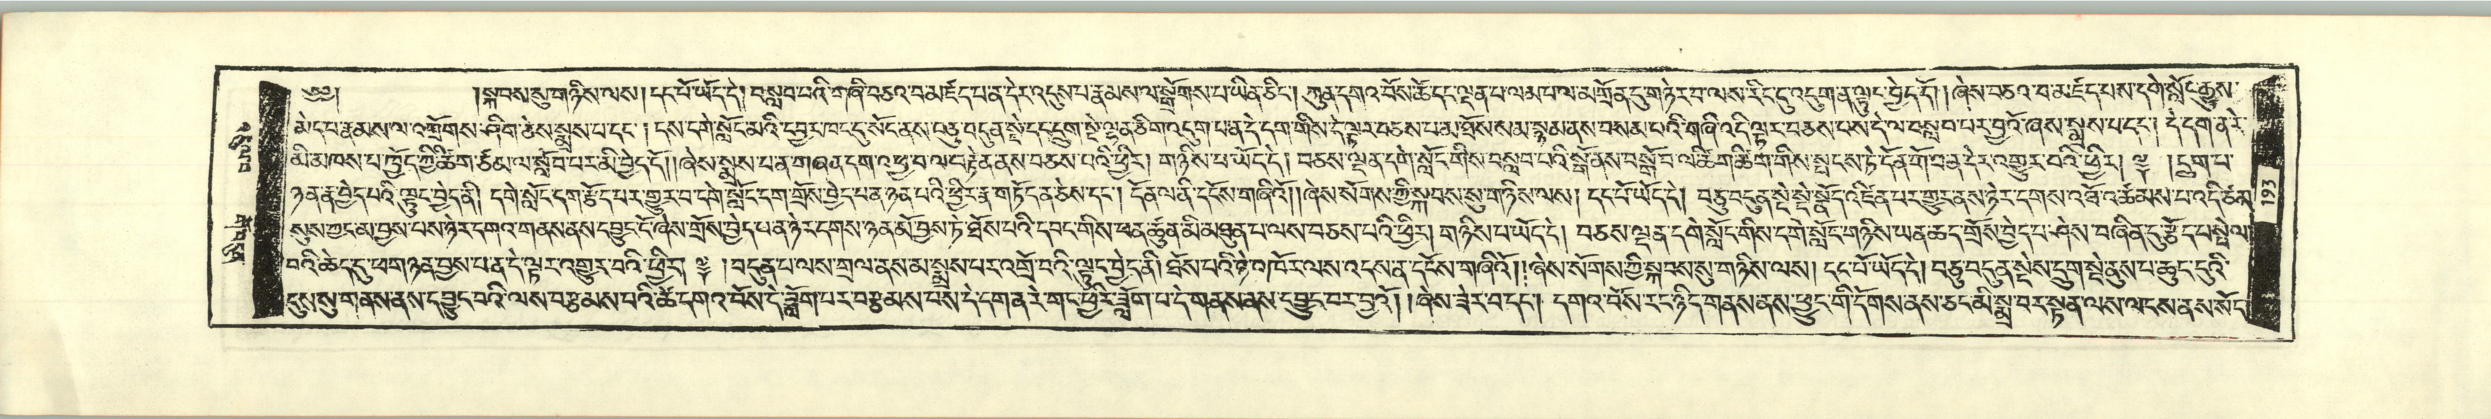༄༅། །སྐབས་སུ་གཉིས་ལས། དང་པོ་ཡོད་དེ། བསླབ་པའི་གཞི་བཅའ་བ་མཛད་པ་ན་དེར་འདུས་པ་རྣམས་ལ་སྒྲོགས་པ་ཡིན་ཅིང་། ཀུན་དགའ་བོས་ཚེ་དང་ལྡན་པ་ལམ་པ་ལ་མགྲོན་དུ་གཉེར་བ་ལས་རིང་དུ་འདུག་ན་ལྟུང་བྱེད་དོ། །ཞེས་བཅའ་བ་མཛད་པས་དགེ་སློང་རྒྱུས་
མེད་པ་རྣམས་ལ་འགྲོགས་ཤིག་ཅེས་སྨྲས་པ་དང་། དས་དགེ་སློང་མའི་དབྱར་ཁང་དུ་སོང་ནས་བཅུ་བདུན་སྡེ་དང་དྲུག་སྡེ་ལྷན་ཅིག་འདུག་པ་ན་དེ་དག་གིས་དེ་ལྟར་བཅས་པ་མ་ཐོས་སམ་སྙམ་ནས་བསམ་པའི་གཞི་འདི་ལྟར་བཅས་པས་དེ་ལ་བསླབ་པར་བྱའོ་ཞས་སྨྲས་པ་དང་། དེ་དག་ན་རེ་
མི་མཁས་པ་ཁྱོད་ཀྱི་ཚིག་ཙམ་ལ་སློབ་པར་མི་བྱེད་དོ། །ཞེས་སྨྲས་པ་ན་གཞན་དག་འཕྱ་བ་ལ་བརྟེན་ནས་བཅས་པའི་ཕྱིར། གཉིས་པ་ཡོད་དེ། བཅས་ལྡན་དགེ་སློང་གིས་བསླབ་པའི་སྒོ་ནས་བསྒོ་བ་ལ་ཚིག་ཚིག་གིས་སྤངས་ཏེ་དོན་གོ་བ་ན་དེར་འགྱུར་བའི་ཕྱིར། ༈ །དྲུག་པ་
ཉན་རྣ་བྱེད་པའི་ལྟུང་བྱེད་ནི། དགེ་སློང་དག་རྩོད་པར་གྱུར་བ་དགེ་སློང་དག་གྲོས་བྱེད་པ་ན་ཉན་པའི་ཕྱིར་རྣ་གཏོད་ན་ཅེས་དང་། དོན་ལ་ནི་དངོས་གཞིའོ། །ཞེས་སོགས་ཀྱི་སྐབས་སུ་གཉིས་ལས། དང་པོ་ཡོད་དེ། བཅུ་བདུན་སྡེ་སྡེ་སྣོད་འཛིན་པར་གྱུར་ནས་ཉེར་དགས་འཐོ་འཚམས་པ་འདི་ཙམ་
སུས་ཀྱང་མ་བྱས་པས་ཉེར་དགའ་གནས་ནས་དབྱུང་ངོ་ཞེས་གྲོས་བྱེད་པ་ན་ཉེར་དགས་ཉན་མོ་བྱས་ཏེ་ཐོས་པའི་དབང་གིས་ཕན་ཚུན་མི་མཐུན་པ་ལས་བཅས་པའི་ཕྱིར། གཉིས་པ་ཡོད་དེ། བཅས་ལྡན་དགེ་སློང་གིས་དགེ་སློང་གཉིས་ཡན་ཆད་གྲོས་བྱེད་པ་ཤེས་བཞིན་དུ་རྩོད་པ་སྤེལ་
བའི་ཆེད་དུ་ཕག་ཉན་བྱས་པ་ན་དེ་ལྟར་འགྱུར་བའི་ཕྱིར། ༈ །བདུན་པ་ལས་གྲལ་ནས་མ་སྨྲས་པར་འགྲོ་བའི་ལྟུང་བྱེད་ནི། ཐོས་པའི་ཉེ་འཁོར་ལས་འདས་ན་དངོས་གཞིའོ། །ཞེས་སོགས་ཀྱི་སྐབས་སུ་གཉིས་ལས། དང་པོ་ཡོད་དེ། བཅུ་བདུན་སྡེས་དྲུག་སྡེ་ནུས་པ་ཆུང་དུའི་
དུས་སུ་གནས་ནས་དབྱུང་བའི་ལས་བརྩམས་པའི་ཚེ་དགའ་བོས་དེ་ཟློག་པར་བརྩམས་པས་དེ་དག་ན་རེ་གང་ཕྱིར་ཟློག་པ་དེ་གནས་ནས་དབྱུང་བར་བྱའོ། །ཞེས་ཟེར་བ་དང་། དགའ་བོས་རང་ཉིད་གནས་ནས་ཕྱུང་གི་དོགས་ནས་ཅང་མི་སྨྲ་བར་སྟན་ལས་ལངས་ནས་སོང་